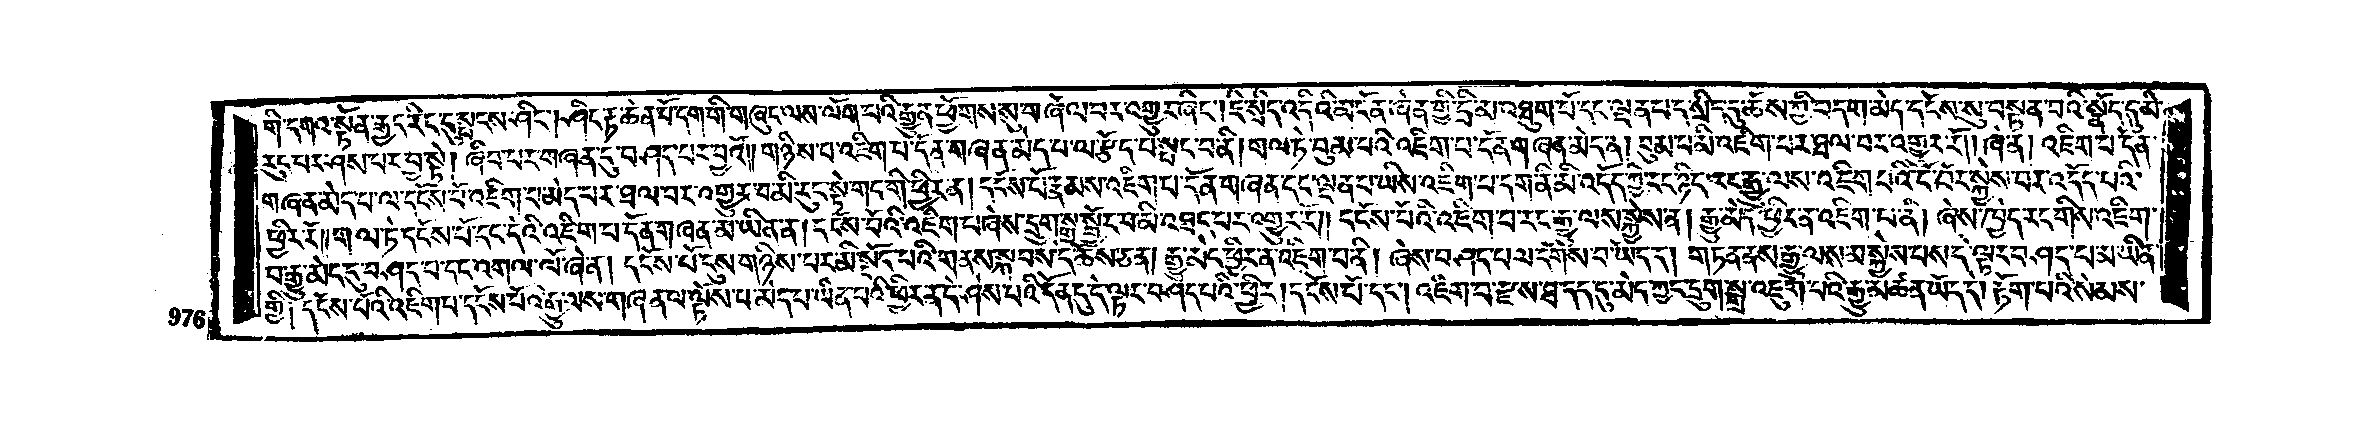གི་དགའ་སྟོན་རྒྱང་རིང་དུ་སྤངས་ཤིང་། ཤིང་རྟ་ཆེན་པོ་དག་གི་གཞུང་ལས་ལོག་པའི་རྒྱུན་ཕྱོགས་སུ་གཞོལ་བར་འགྱུར་ཞིང་། ཇི་སྲིད་འདིའི་མངོན་ཞེན་གྱི་དྲི་མ་འཐུག་པོ་དང་ལྡན་པ་དེ་སྲིད་དུ་ཆོས་ཀྱི་བདག་མེད་དངོས་སུ་བསྟན་པའི་སྣོད་དུ་མི་
རུང་པར་ཤེས་པར་བྱ་སྟེ། ཞིབ་པར་གཞན་དུ་བཤད་པར་བྱའོ། །གཉིས་པ་འཇིག་པ་དོན་གཞན་མེད་པ་ལ་རྩོད་པ་སྤང་པ་ནི། གལ་ཏེ་བུམ་པའི་འཇིག་པ་དོན་གཞན་མེད་ན། བུམ་པ་མི་འཇིག་པར་ཐལ་བར་འགྱུར་རོ། །ཞེ་ན། འཇིག་པ་དོན་
གཞན་མེད་པ་ལ་དངོས་པོ་འཇིག་པ་མེད་པར་ཐལ་བར་འགྱུར་བ་མི་རུང་སྟེ་གང་གི་ཕྱིར་ན། དངོས་པོ་རྣམས་འཇིག་པ་དོན་གཞན་དང་ལྡན་པ་ཡིས་འཇིག་པ་དག་ནི་མི་འདོད་ཀྱི་རང་ཉིད་རང་རྒྱུ་ལས་འཇིག་པའི་ངོ་བོར་སྐྱེས་པར་འདོད་པའི་
ཕྱིར་རོ། །གལ་ཏེ་དངོས་པོ་དང་དེའི་འཇིག་པ་དོན་གཞན་མ་ཡིན་ན། དངོས་པོའི་འཇིག་པ་ཞེས་དྲུག་སྒྲ་སྦྱོར་བ་མི་འཐད་པར་འགྱུར་རོ། །དངོས་པོའི་འཇིག་པ་རང་རྒྱུ་ལས་སྐྱེས་ན། རྒྱུ་མེད་ཕྱིར་ན་འཇིག་པ་ནི། ཞེས་ཁྱེད་རང་གིས་འཇིག་
པ་རྒྱུ་མེད་དུ་བཤད་པ་དང་འགལ་ལོ་ཞེ་ན། དངོས་པོ་དུས་གཉིས་པར་མི་སྡོད་པའི་གནས་སྐབས་དེ་ཆོས་ཅན། རྒྱུ་མེད་ཕྱིར་ན་འཇིག་པ་ནི། ཞེས་བཤད་པ་ལ་དོགས་པ་ཡོད་དེ། གཏན་ནས་རྒྱུ་ལས་མ་སྐྱེས་པས་དེ་ལྟར་བཤད་པ་མ་ཡིན་
གྱི། དངོས་པོའི་འཇིག་པ་དངོས་པོའི་རྒྱུ་ལས་གཞན་ལ་ལྟོས་པ་མེད་པ་ཡིན་པའི་ཕྱིར་ན་དེ་ཤེས་པའི་དོན་དུ་དེ་ལྟར་བཤད་པའི་ཕྱིར། དངོས་པོ་དང་། འཇིག་པ་རྫས་ཐ་དད་དུ་མེད་ཀྱང་དྲུག་སྒྲ་འཇུག་པའི་རྒྱུ་མཚན་ཡོད་དེ། རྟོག་པའི་སེམས་